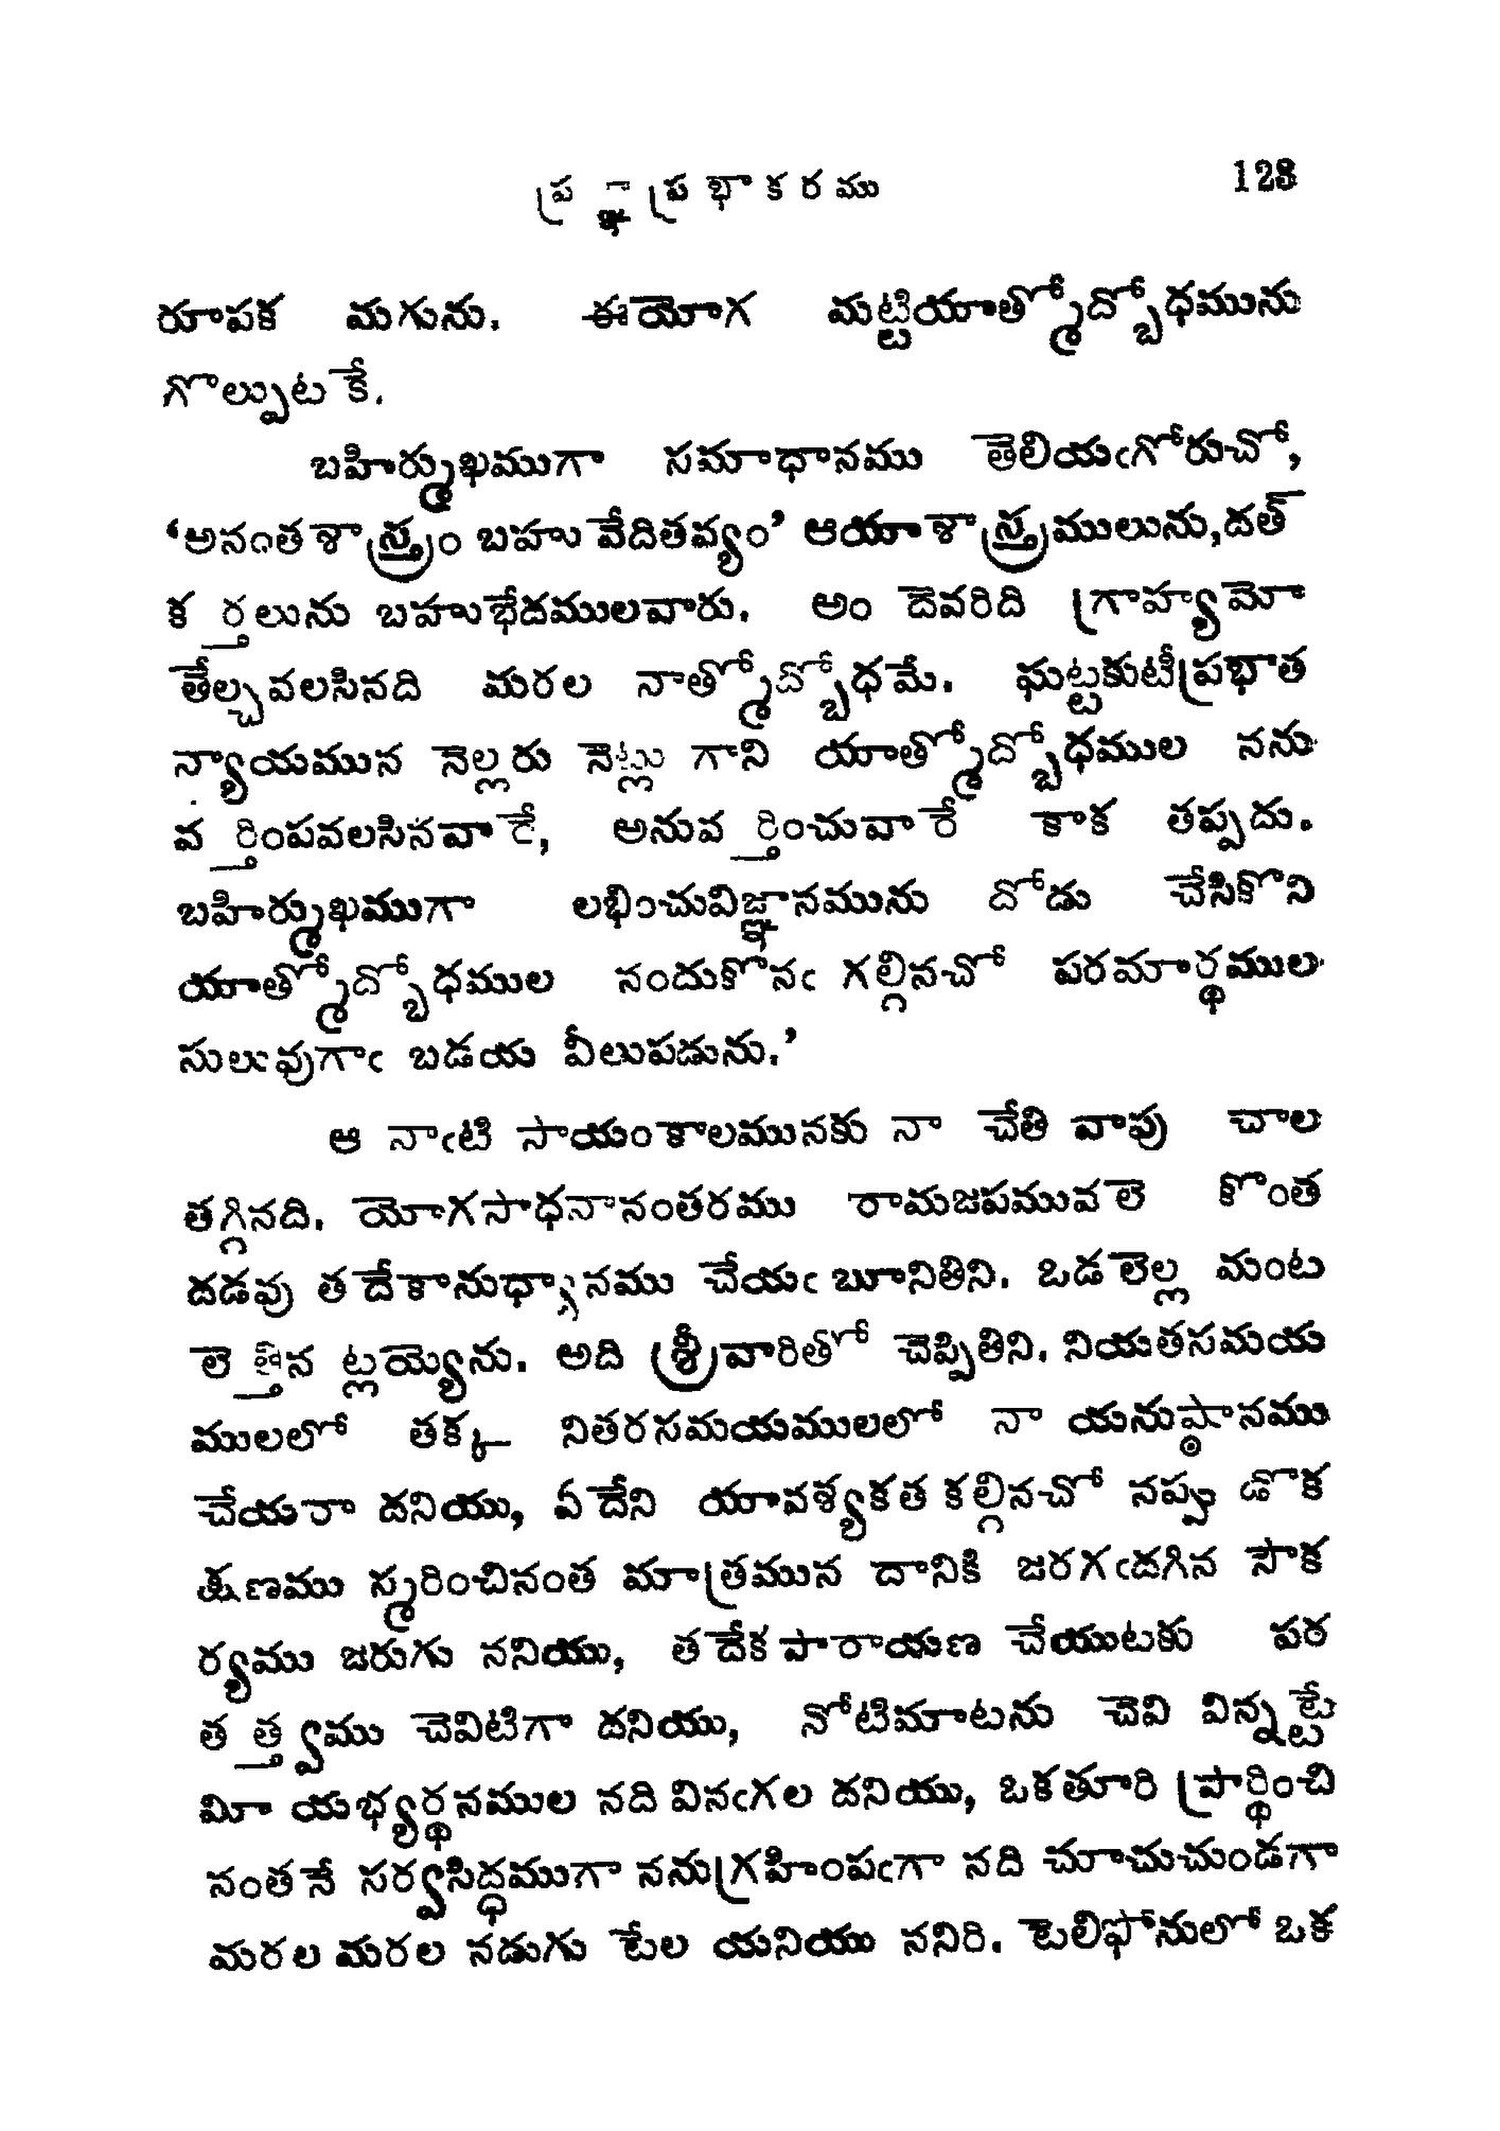రూపక మగును. ఈ యోగ మట్టిత్మోధమును గోల్పుటకే.

బహిర్ముఖముగా సమాధానము తెలియఁగోరుచో,' అనంత శాస్త్రం బహువేదితవ్యం ' ఆయా శాస్త్రములును, దత్ కర్తలును బహుభేదముల వారు. అం వరిదిగ్రాహ్యమోతేల్చువలసినది మరలనాత్మోద్బోధమే. ఘట్టకుటీ ప్రభాత న్యాయమున నెల్లరునెట్లు గాని యాత్మోద్బోధములు నను వర్తింప వలసిన వారే,అనువర్తించు వారే కాక తప్పదు. బహిర్ముఖముగా లభించు విజ్ఞానమును దోడు చేసికొని యాత్మోద్బోధములు నందుకొనఁ గల్గినచో పరమార్ధముల సులువుగాఁ బడయ వీలు పడును.

ఆ నాఁటి సాయంకాలము నా చేతి వాపు చాల తగ్గినది. యోగ సాధనానంతరము రామజపము వలె కొంత దడవుత దేకా నుధ్యానము చేయఁబూనితిని. ఒడలెల్లమంటలెత్తినట్లయ్యెను. అది శ్రీ వారితో చెప్పితిని. నియత సమయములలో తక్క నితర సమయములలో నా యనుష్టానము చేయరా దనియు, ఏ దేని యావశ్యకత కల్గినచో నప్పుడొక క్షణము స్మరించినంత మాత్రమున దానికి జరగఁ దగిన సౌకర్యము జరుగు ననియు, నోటి మాటను చెవి విన్నట్టే మి యభ్యర్ధనముల నది వినఁగల దనియు, ఒక తూరి ప్రార్ధించి నంత నే సర్వసిద్ధముగా నను గ్రహింపఁ గా నది చూచుచుండ గా మరల మరల నడుగు టేల యనియు ననిరి. టెలిఫోనులో ఒక